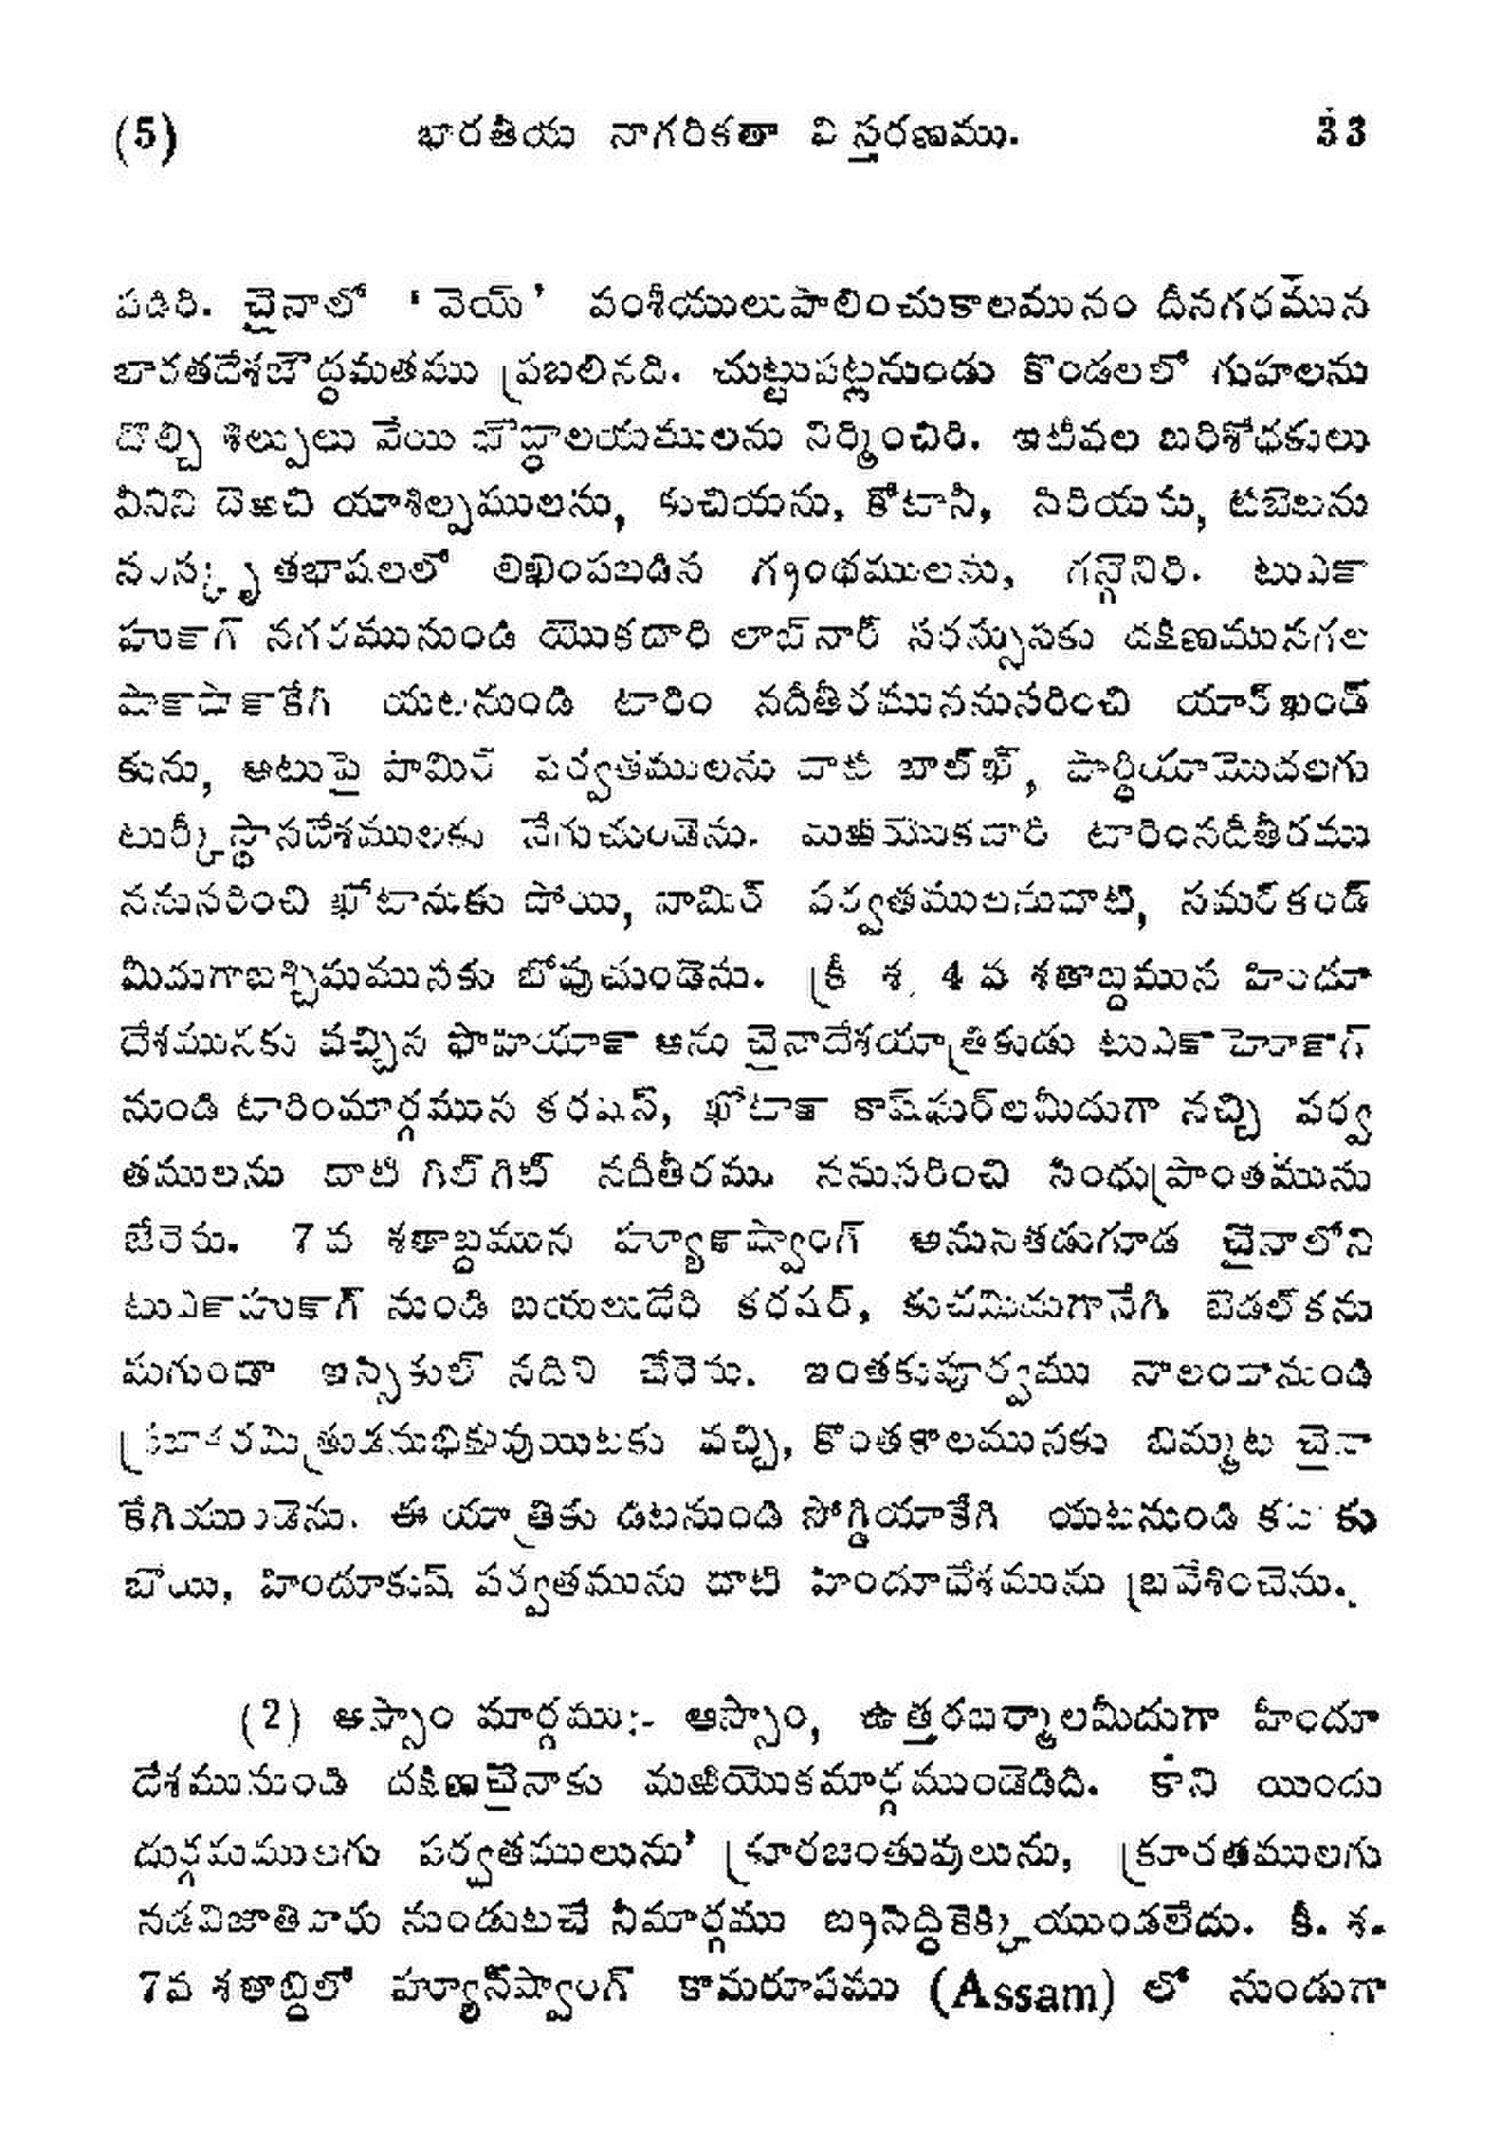పడిరి. చైనాలో 'వెయ్‌' వంశీయులుపాలించుకాలమునం దీనగరమున భారతదేశబౌద్దమతము ప్రబలినది. చుట్టుపట్లనుండు కొండలలో గుహలను దొల్చి శిల్పులు వేయి బౌద్దాలయములను నిర్మించిరి. ఇటీవల బరిశోధకులు వీనిని దెఱచి యాశిల్పములను, కుచియను, కోటానీ, సిరియను, టిబెటను సంస్కృతభాషలలో లిఖింపబడిన గ్రంథములను, గన్గొనిరి. టుఎన్ హున్‌గ్ నగరమునుండి యొకదారి లాబ్‌నార్ సరస్సునకు దక్షిణమునగల షాన్‌షాన్‌కేగి యటనుండి టారిం నదీతీరముననుసరించి యార్‌ఖండ్‌కును, అటుపై పామిర్ పర్వతములను దాటి బాల్‌ఖ్, పార్దియామొదలగు టర్కీస్థానదేశములకు నేగుచుండెను. మఱియొకదారి టారింనదీతీరము ననుసరించి ఖోటానుకు పోయి, వామిర్ పర్వతములనుదాటి, సమర్‌కండ్ మీదుగాబశ్చిమమునకు బోవుచుండెను. క్రీ. శ. 4 వ శతాబ్దమున హిందూ దేశమునకు వచ్చిన ఫాహియాన్ అను చైనాదేశయాత్రికుడు టుఎన్‌హోన్‌గ్ నుండి టారింమార్గమున కరషస్, ఖోటాన్ కాష్‌ఘర్‌లమీదుగా వచ్చి పర్వతములను దాటి గిల్‌గిట్ నదీతీరము ననుసరించి సింధుప్రాంతమును జేరెను. 7 వ శతాబ్దమున హ్యూన్‌ష్వాంగ్ అనునతడుగూడ చైనాలోని టుఎన్‌హున్‌గ్ నుండి బయలుదేరి కరషర్, కుచమీదుగానేగి బెడల్‌కనుమగుండా ఇస్సికుల్ నదిని చేరెను. ఇంతకుపూర్వము నాలందానుండి ప్రభాకరమిత్రుడనుభిక్షువుయిటకు వచ్చి, కొంతకాలమునకు బిమ్మట చైనా కేగియుండెను. ఈ యాత్రికు డిటనుండి సోగ్డియాకేగి యటనుండి కప కుబోయి, హిందూకుష్ పర్వతమును దాటి హిందూదేశమును బ్రవేశించెను.

(2) అస్సాం మార్గము :- అస్సాం, ఉత్తరబర్మాలమీదుగా హిందూ దేశమునుండి దక్షిణచైనాకు మఱియొకమార్గముండెడిది. కాని యిందు దుర్గమములగు పర్వతములును' క్రూరజంతువులును, క్రూరతములగు నడవిజాతివారు నుండుటచే నీమార్గము బ్రసిద్దికెక్కి యుండలేదు. క్రీ. శ. 7 వ శతాబ్దిలో హ్యూన్‌ష్వాంగ్ కామరూపము (Assam) లో నుండుగా